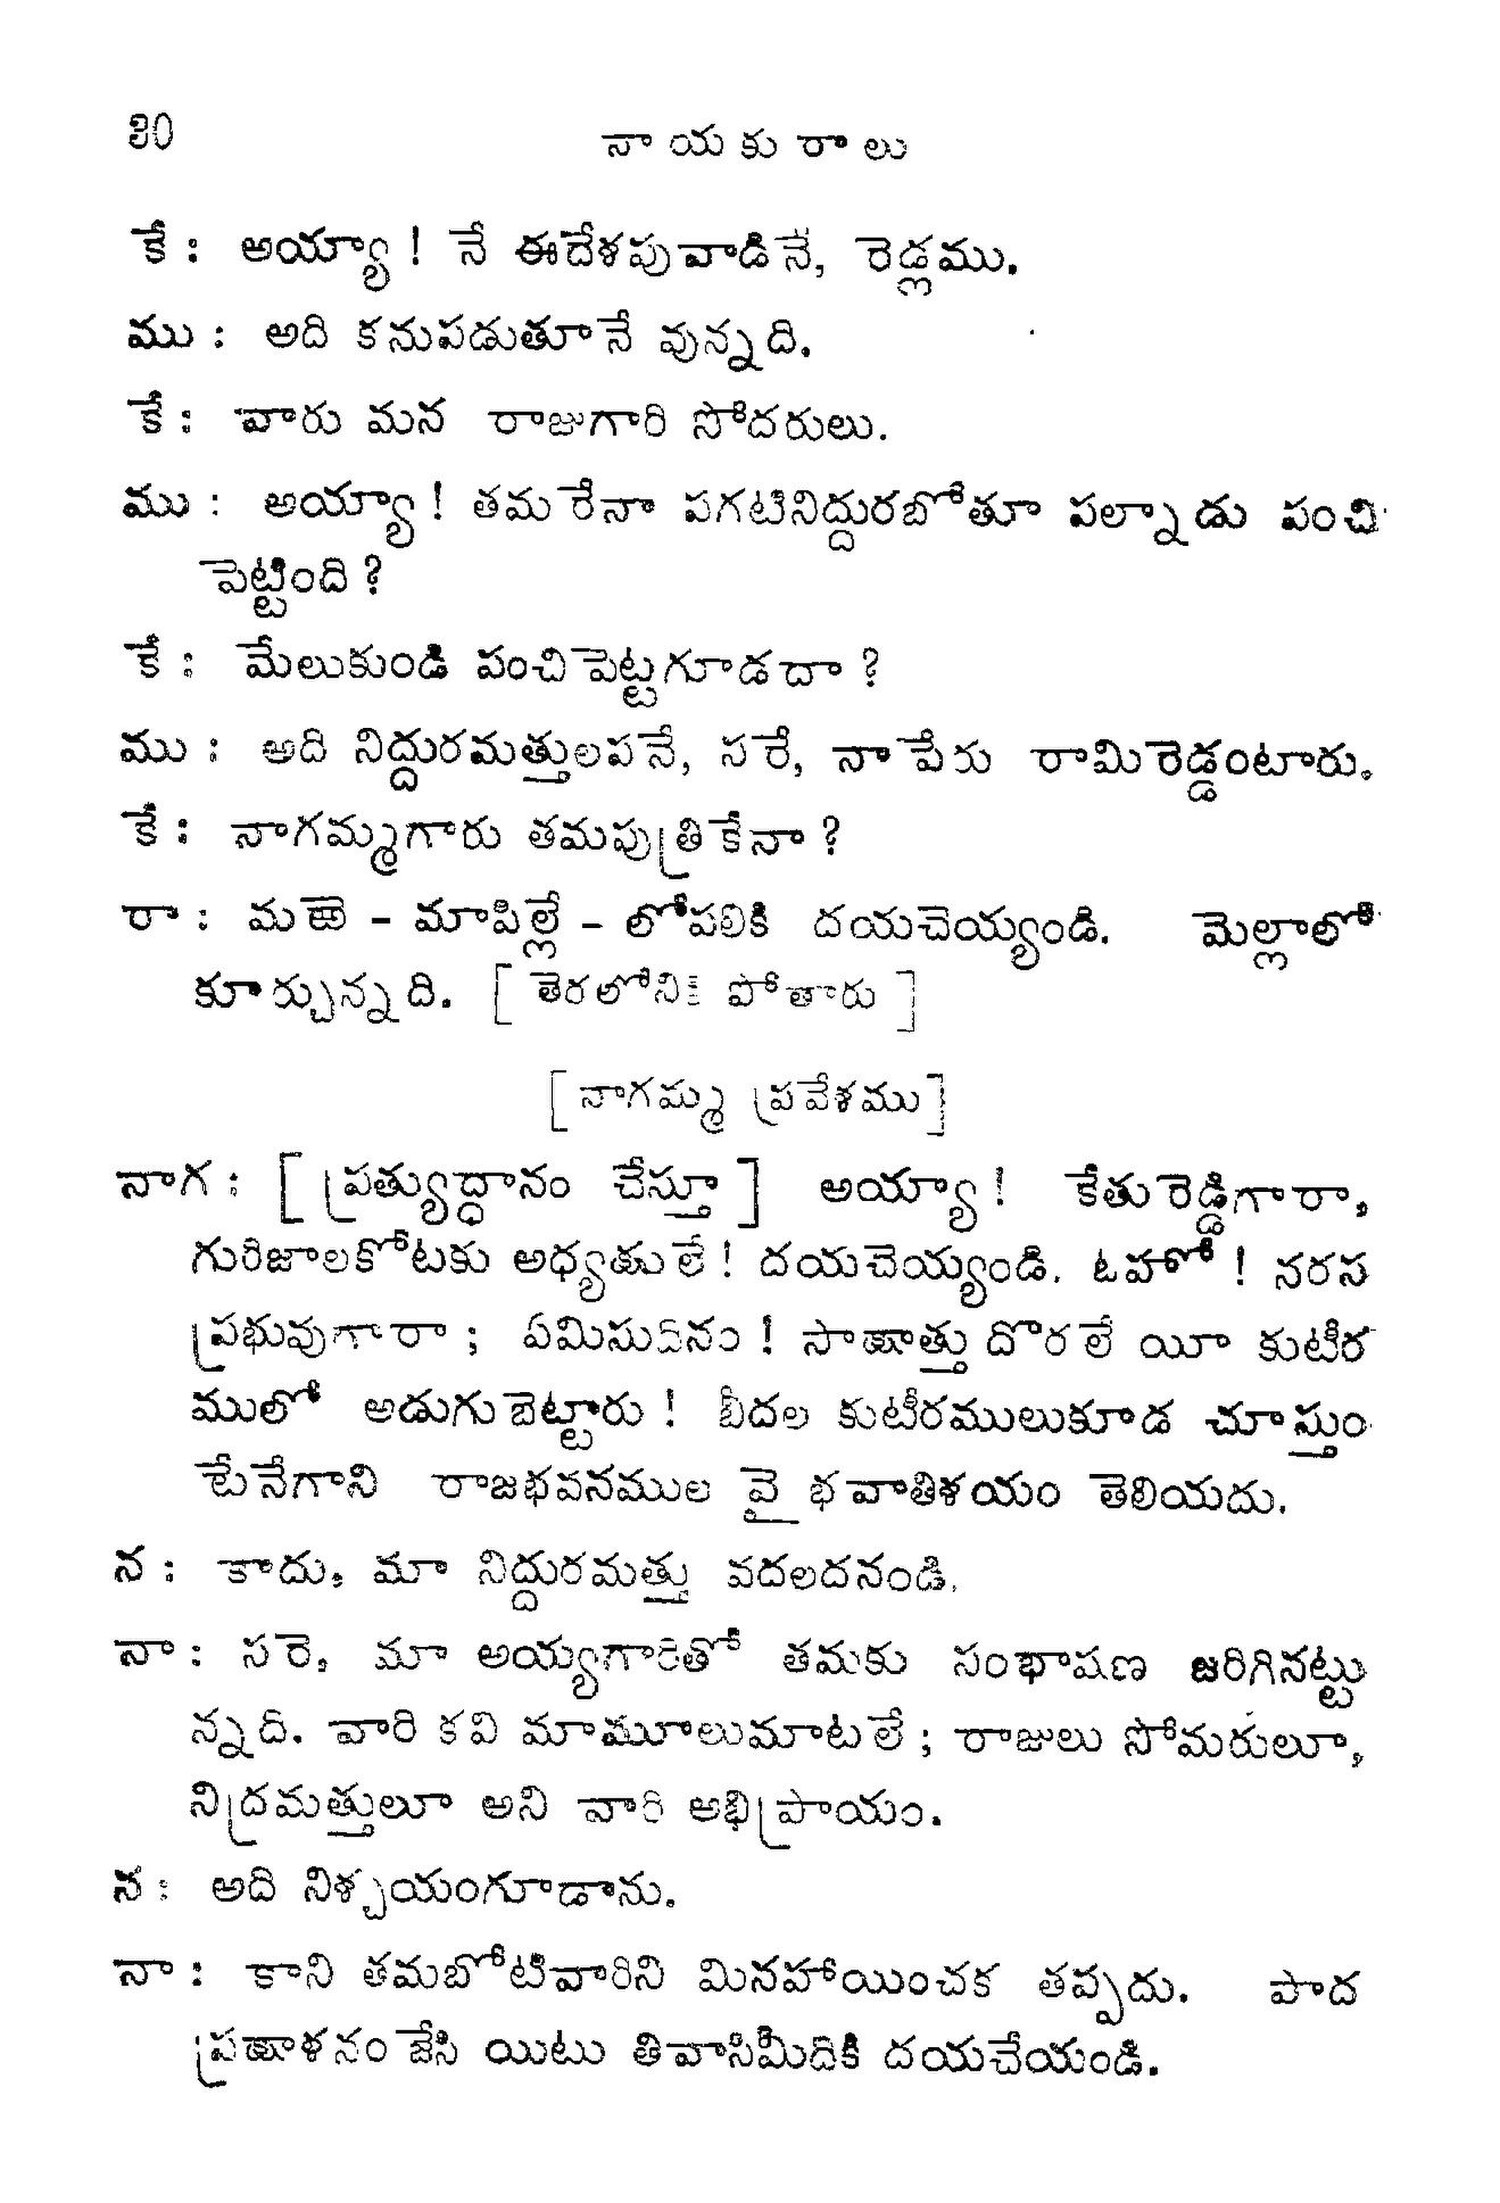కే : అయ్యా ! నే ఈదేశపువాడినే, రెడ్లము.

ము : అది కనుపడుతూనే వున్నది.

కే: వారు మన రాజుగారి సోదరులు.

ము : అయ్యా ! తమరేనా పగటినిద్దురబోతూ పల్నాడు పంచి పెట్టింది ?

కే: మేలుకుండి పంచిపెట్టగూడదా ?

ము : అది నిద్దురమత్తులపనే, సరే, నాపేరు రామిరెడ్డంటారు,

కే: నాగమ్మగారు తమపుత్రికేనా ?

రా: మఱె - మాపిల్లే - లోపలికి దయచెయ్యండి. మెల్లాలో కూర్చున్నది. ( తెరలోనికి పోతారు)

నాగ : [ ప్రత్యుద్ధానం చేస్తూ ] అయ్యా ! కేతురెడ్డిగారా, గురిజాలకోటకు అధ్యక్షులే ! దయచెయ్యండి. ఓహో ! నరస ప్రభువుగారా; ఏమిసుదినం ! సాక్షాత్తు దొరలే యీ కుటీరములో అడుగుబెట్టారు ! బీదల కుటీరములుకూడ చూస్తుంటేనేగాని రాజభవనముల వైభవాతిశయం తెలియదు.

న: కాదు, మా నిద్దురమత్తు వదలదనండి,

నా ; సరె, మా అయ్యగారితో తమకు సంభాషణ జరిగినట్టున్నది. వారి కవి మామూలుమాటలే; రాజులు సోమరులూ, నిద్రమత్తులూ అని వారి అభిప్రాయం.

న: అది నిశ్చయంగూడాను.

నా : కాని తమబోటివారిని మినహాయించక తప్పదు. పాదప్రక్షాళనం జేసి యిటు తివాసిమీదికి దయచేయండి.